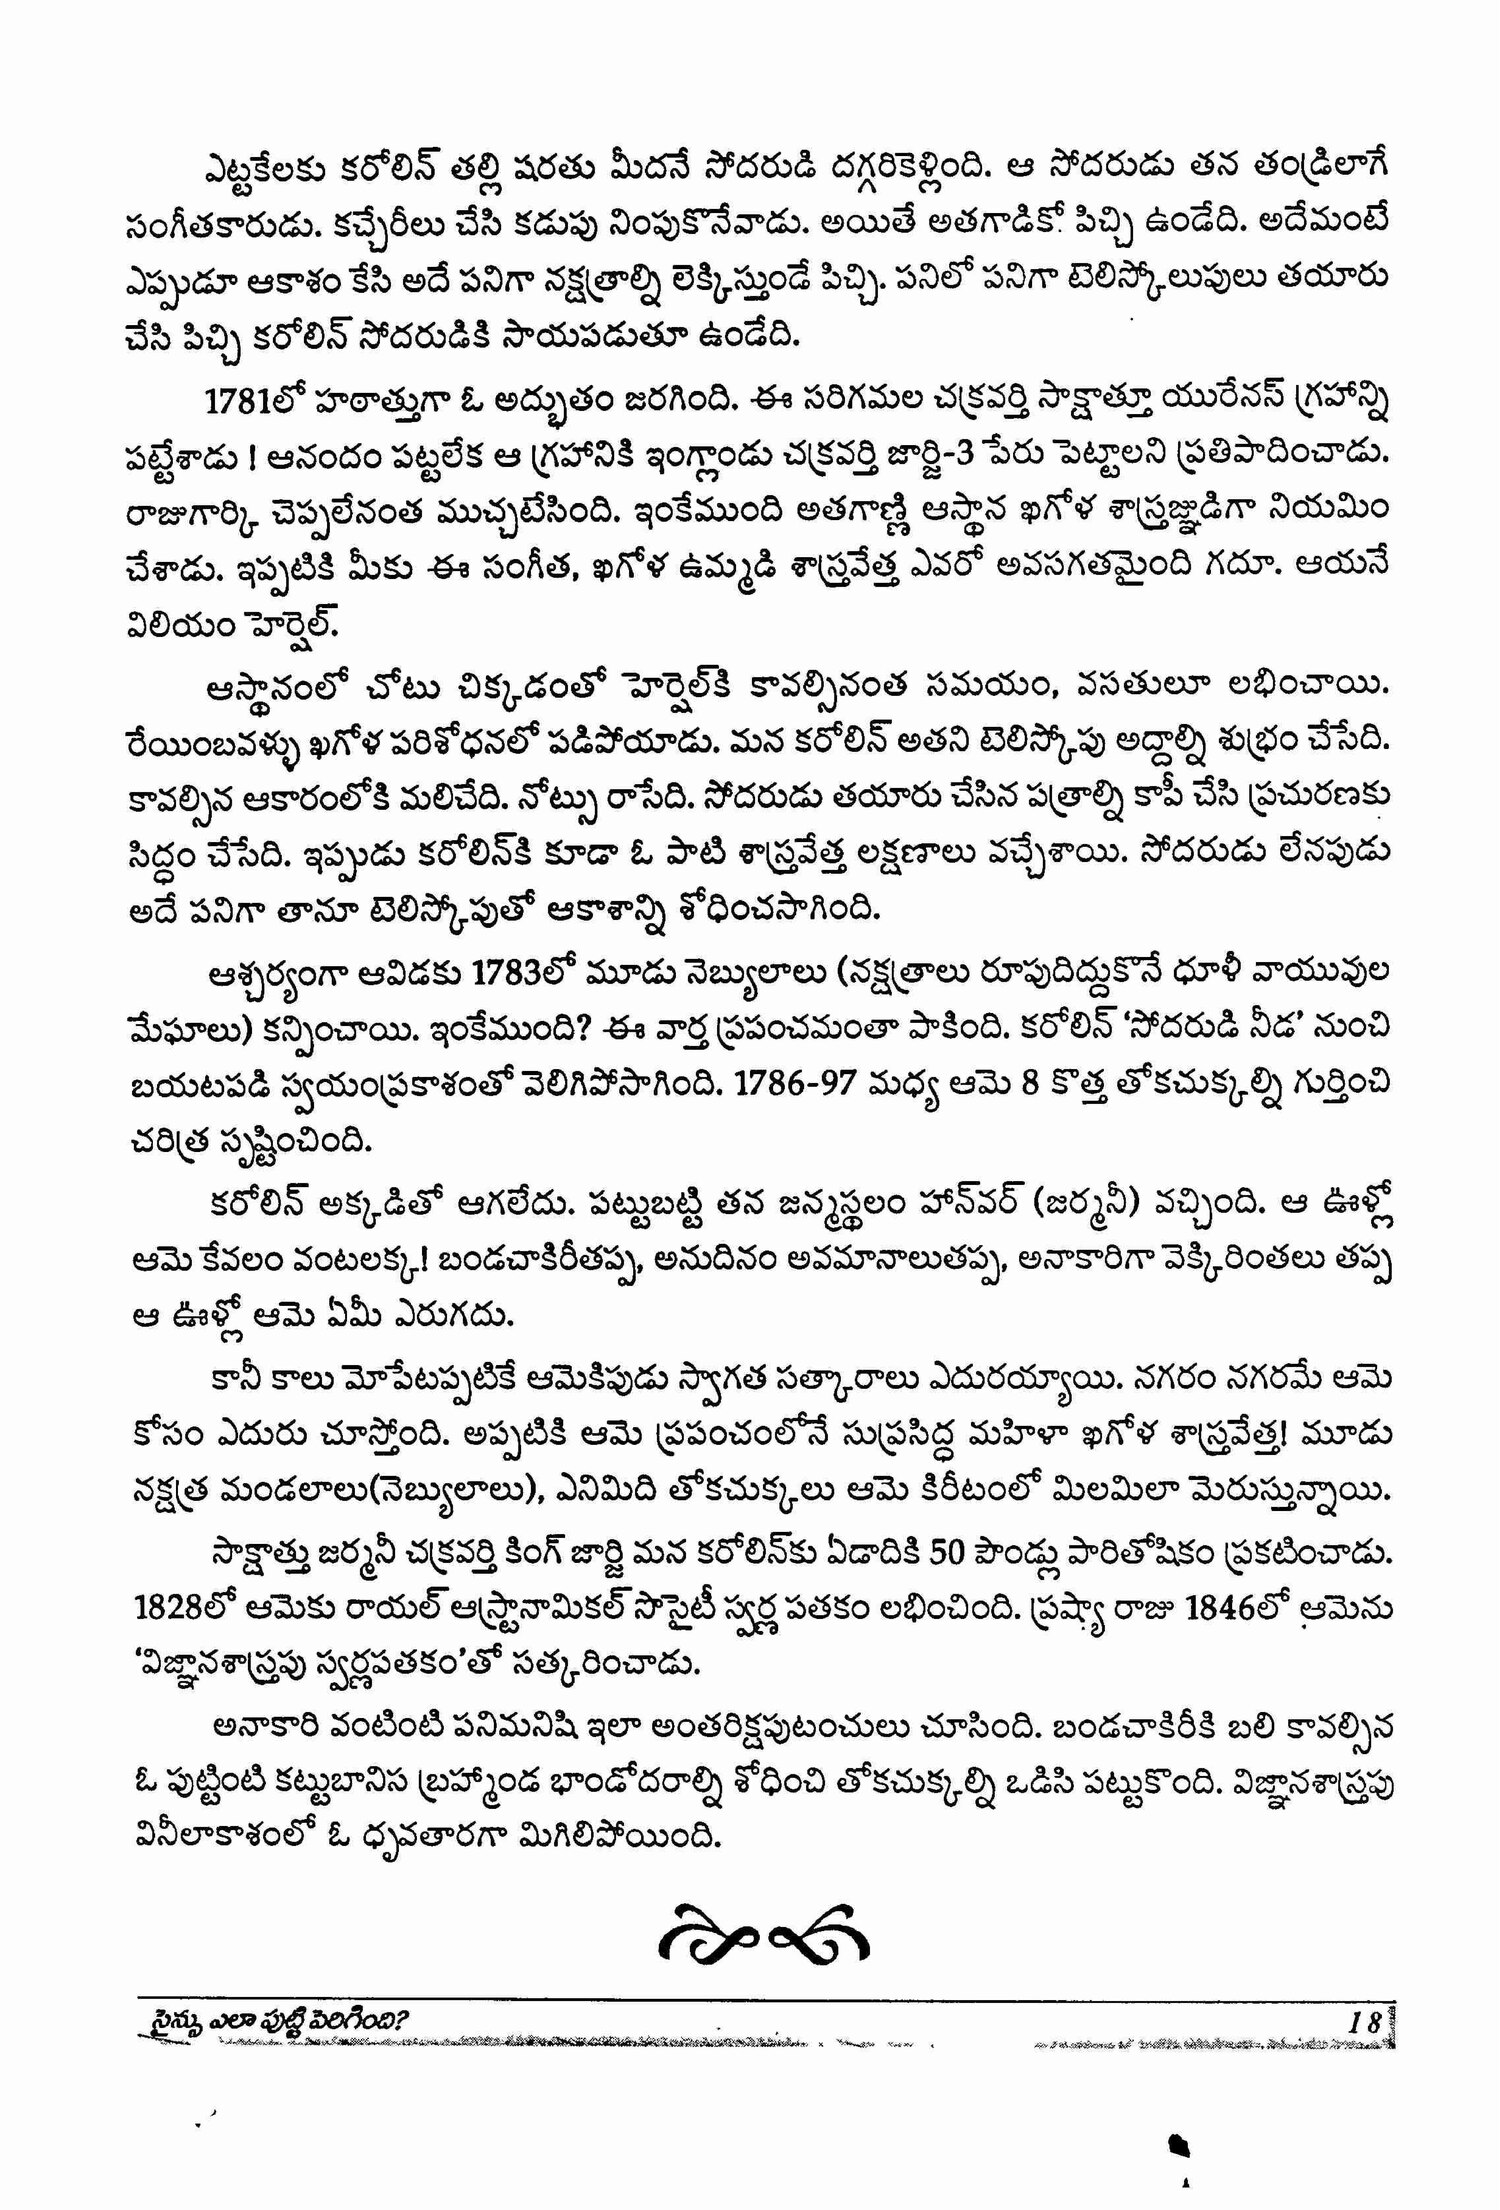ఎట్టకేలకు కరోలిన్ తల్లి షరతు మీదనే సోదరుడి దగ్గరికెళ్లింది. ఆ సోదరుడు తన తండ్రిలాగే సంగీతకారుడు. కచ్చేరీలు చేసి కడుపు నింపుకొనేవాడు. అయితే అతగాడికో పిచ్చి ఉండేది. అదేమంటే ఎప్పుడూ ఆకాశం కేసి అదే పనిగా నక్షత్రాల్ని లెక్కిస్తుండే పిచ్చి. పనిలో పనిగా టెలిస్కోలుపులు తయారుచేసి పిచ్చి కరోలిన్ సోదరుడికి సాయపడుతూ ఉండేది.

1781లో హఠాత్తుగా ఓ అద్భుతం జరిగింది. ఈ సరిగమల చక్రవర్తి సాక్షాత్తూ యురేనస్ గ్రహాన్ని పట్టేశాడు ! ఆనందం పట్టలేక ఆ గ్రహానికి ఇంగ్లాండు చక్రవర్తి జార్జి-3 పేరు పెట్టాలని ప్రతిపాదించాడు. రాజుగార్కి చెప్పలేనంత ముచ్చటేసింది. ఇంకేముంది అతగాణ్ణి ఆస్థాన ఖగోళ శాస్త్రజ్ఞుడిగా నియమించేశాడు. ఇప్పటికి మీకు ఈ సంగీత, ఖగోళ ఉమ్మడి శాస్త్రవేత్త ఎవరో అవసగతమైంది గదూ. ఆయనే విలియం హెర్షెల్.

ఆస్థానంలో చోటు చిక్కడంతో హెర్షెల్‌కి కావల్సినంత సమయం, వసతులూ లభించాయి. రేయింబవళ్ళు ఖగోళ పరిశోధనలో పడిపోయాడు. మన కరోలిన్ అతని టెలిస్కోపు అద్దాల్ని శుభ్రం చేసేది. కావల్సిన ఆకారంలోకి మలిచేది. నోట్సు రాసేది. సోదరుడు తయారు చేసిన పత్రాల్ని కాపీ చేసి ప్రచురణకు సిద్ధం చేసేది. ఇప్పుడు కరోలిన్‌కి కూడా ఓ పాటి శాస్త్రవేత్త లక్షణాలు వచ్చేశాయి. సోదరుడు లేనపుడు అదే పనిగా తానూ టెలిస్కోపుతో ఆకాశాన్ని శోధించసాగింది.

ఆశ్చర్యంగా ఆవిడకు 1783లో మూడు నెబ్యులాలు (నక్షత్రాలు రూపుదిద్దుకొనే ధూళీ వాయువుల మేఘాలు) కన్పించాయి. ఇంకేముంది? ఈ వార్త ప్రపంచమంతా పాకింది. కరోలిన్ 'సోదరుడి నీడ' నుంచి బయటపడి స్వయంప్రకాశంతో వెలిగిపోసాగింది. 1786-97 మధ్య ఆమె 8 కొత్త తోకచుక్కల్ని గుర్తించి చరిత్ర సృష్టించింది.

కరోలిన్ అక్కడితో ఆగలేదు. పట్టుబట్టి తన జన్మస్థలం హాన్‌వర్ (జర్మనీ) వచ్చింది. ఆ ఊళ్లో ఆమె కేవలం వంటలక్క! బండచాకిరీతప్ప, అనుదినం అవమానాలుతప్ప, అనాకారిగా వెక్కిరింతలు తప్ప ఆ ఊళ్లో ఆమె ఏమీ ఎరుగదు.

కానీ కాలు మోపేటప్పటికే ఆమెకిపుడు స్వాగత సత్కారాలు ఎదురయ్యాయి. నగరం నగరమే ఆమె కోసం ఎదురు చూస్తోంది. అప్పటికి ఆమె ప్రపంచంలోనే సుప్రసిద్ధ మహిళా ఖగోళ శాస్త్రవేత్త! మూడు నక్షత్ర మండలాలు (నెబ్యులాలు), ఎనిమిది తోకచుక్కలు ఆమె కిరీటంలో మిలమిలా మెరుస్తున్నాయి.

సాక్షాత్తు జర్మనీ చక్రవర్తి కింగ్ జార్జి మన కరోలిన్‌కు ఏడాదికి 50 పౌండ్లు పారితోషికం ప్రకటించాడు. 1828లో ఆమెకు రాయల్ ఆస్ట్రానామికల్ సొసైటీ స్వర్ణ పతకం లభించింది. ప్రష్యా రాజు 1846లో ఆమెను 'విజ్ఞానశాస్త్రపు స్వర్ణపతకం'తో సత్కరించాడు.

అనాకారి వంటింటి పనిమనిషి ఇలా అంతరిక్షపుటంచులు చూసింది. బండచాకిరీకి బలి కావల్సిన ఓ పుట్టింటి కట్టుబానిస బ్రహ్మాండ భాండోదరాల్ని శోధించి తోకచుక్కల్ని ఒడిసి పట్టుకొంది. విజ్ఞాన శాస్త్రపు వినీలాకాశంలో ఓ ధృవతారగా మిగిలిపోయింది.